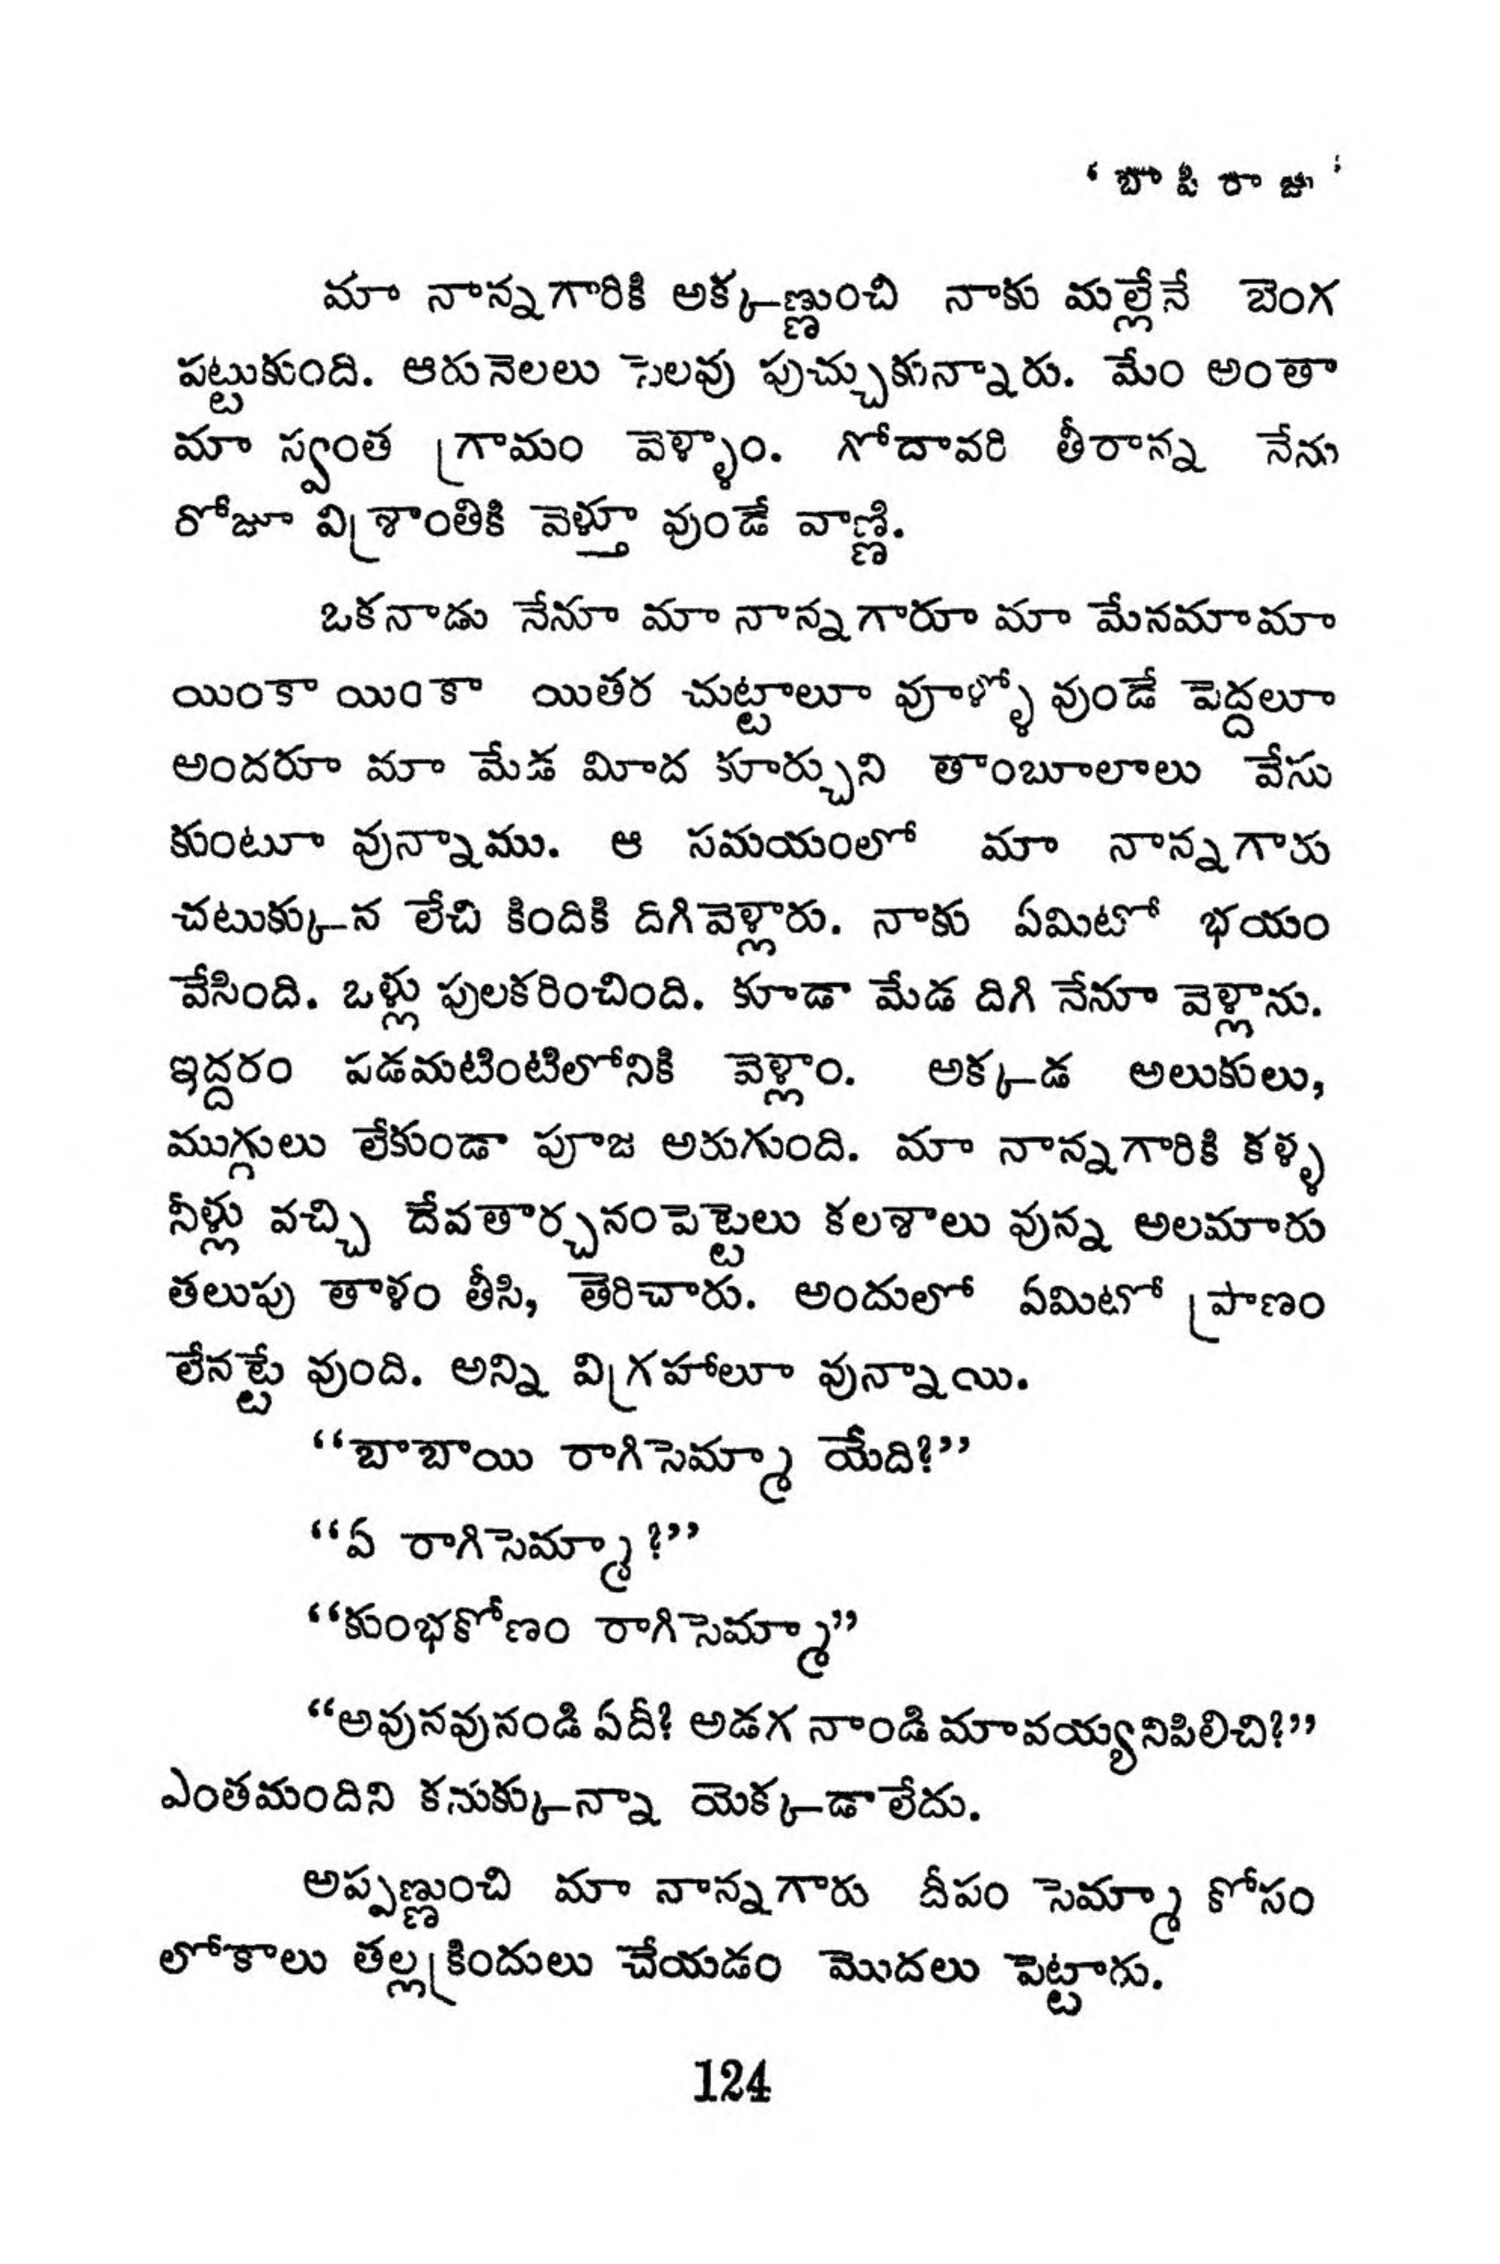మా నాన్నగారికి అక్కణ్ణుంచి నాకు మల్లేనే బెంగ పట్టుకుంది. ఆరునెలలు సెలవు పుచ్చుకున్నారు. మేం అంతా మా స్వంత గ్రామం వెళ్ళాం. గోదావరి తీరాన్న నేను రోజూ విశ్రాంతికి వెళ్తూ వుండే వాణ్ణి.

ఒకనాడు నేనూ మా నాన్నగారూ మా మేనమామా యింకా యింకా యితర చుట్టాలూ వూళ్ళో వుండే పెద్దలూ అందరూ మా మేడ మీద కూర్చుని తాంబూలాలు వేసుకుంటూ వున్నాము. ఆ సమయంలో మా నాన్నగారు చటుక్కున లేచి కిందికి దిగివెళ్లారు. నాకు ఏమిటో భయం వేసింది. ఒళ్లు పులకరించింది. కూడా మేడ దిగి నేనూ వెళ్లాను. ఇద్దరం పడమటింటిలోనికి వెళ్లాం. అక్కడ అలుకులు, ముగ్గులు లేకుండా పూజ అరుగుంది. మా నాన్నగారికి కళ్ళనీళ్లు వచ్చి దేవతార్చనంపెట్టెలు కలశాలు వున్న అలమారు తలుపు తాళం తీసి, తెరిచారు. అందులో ఏమిటో ప్రాణం లేనట్టే వుంది. అన్ని విగ్రహాలూ వున్నాయి.

"బాబాయి రాగిసెమ్మా యేది?"

"ఏ రాగిసెమ్మా?"

"కుంభకోణం రాగిసెమ్మా"

"అవునవునండి ఏదీ? అడగనాండి మావయ్యనిపిలిచి?" ఎంతమందిని కనుక్కున్నా యెక్కడాలేదు.

అప్పణ్ణుంచి మా నాన్నగారు దీపం సెమ్మా కోసం లోకాలు తల్లక్రిందులు చేయడం మొదలు పెట్టారు.